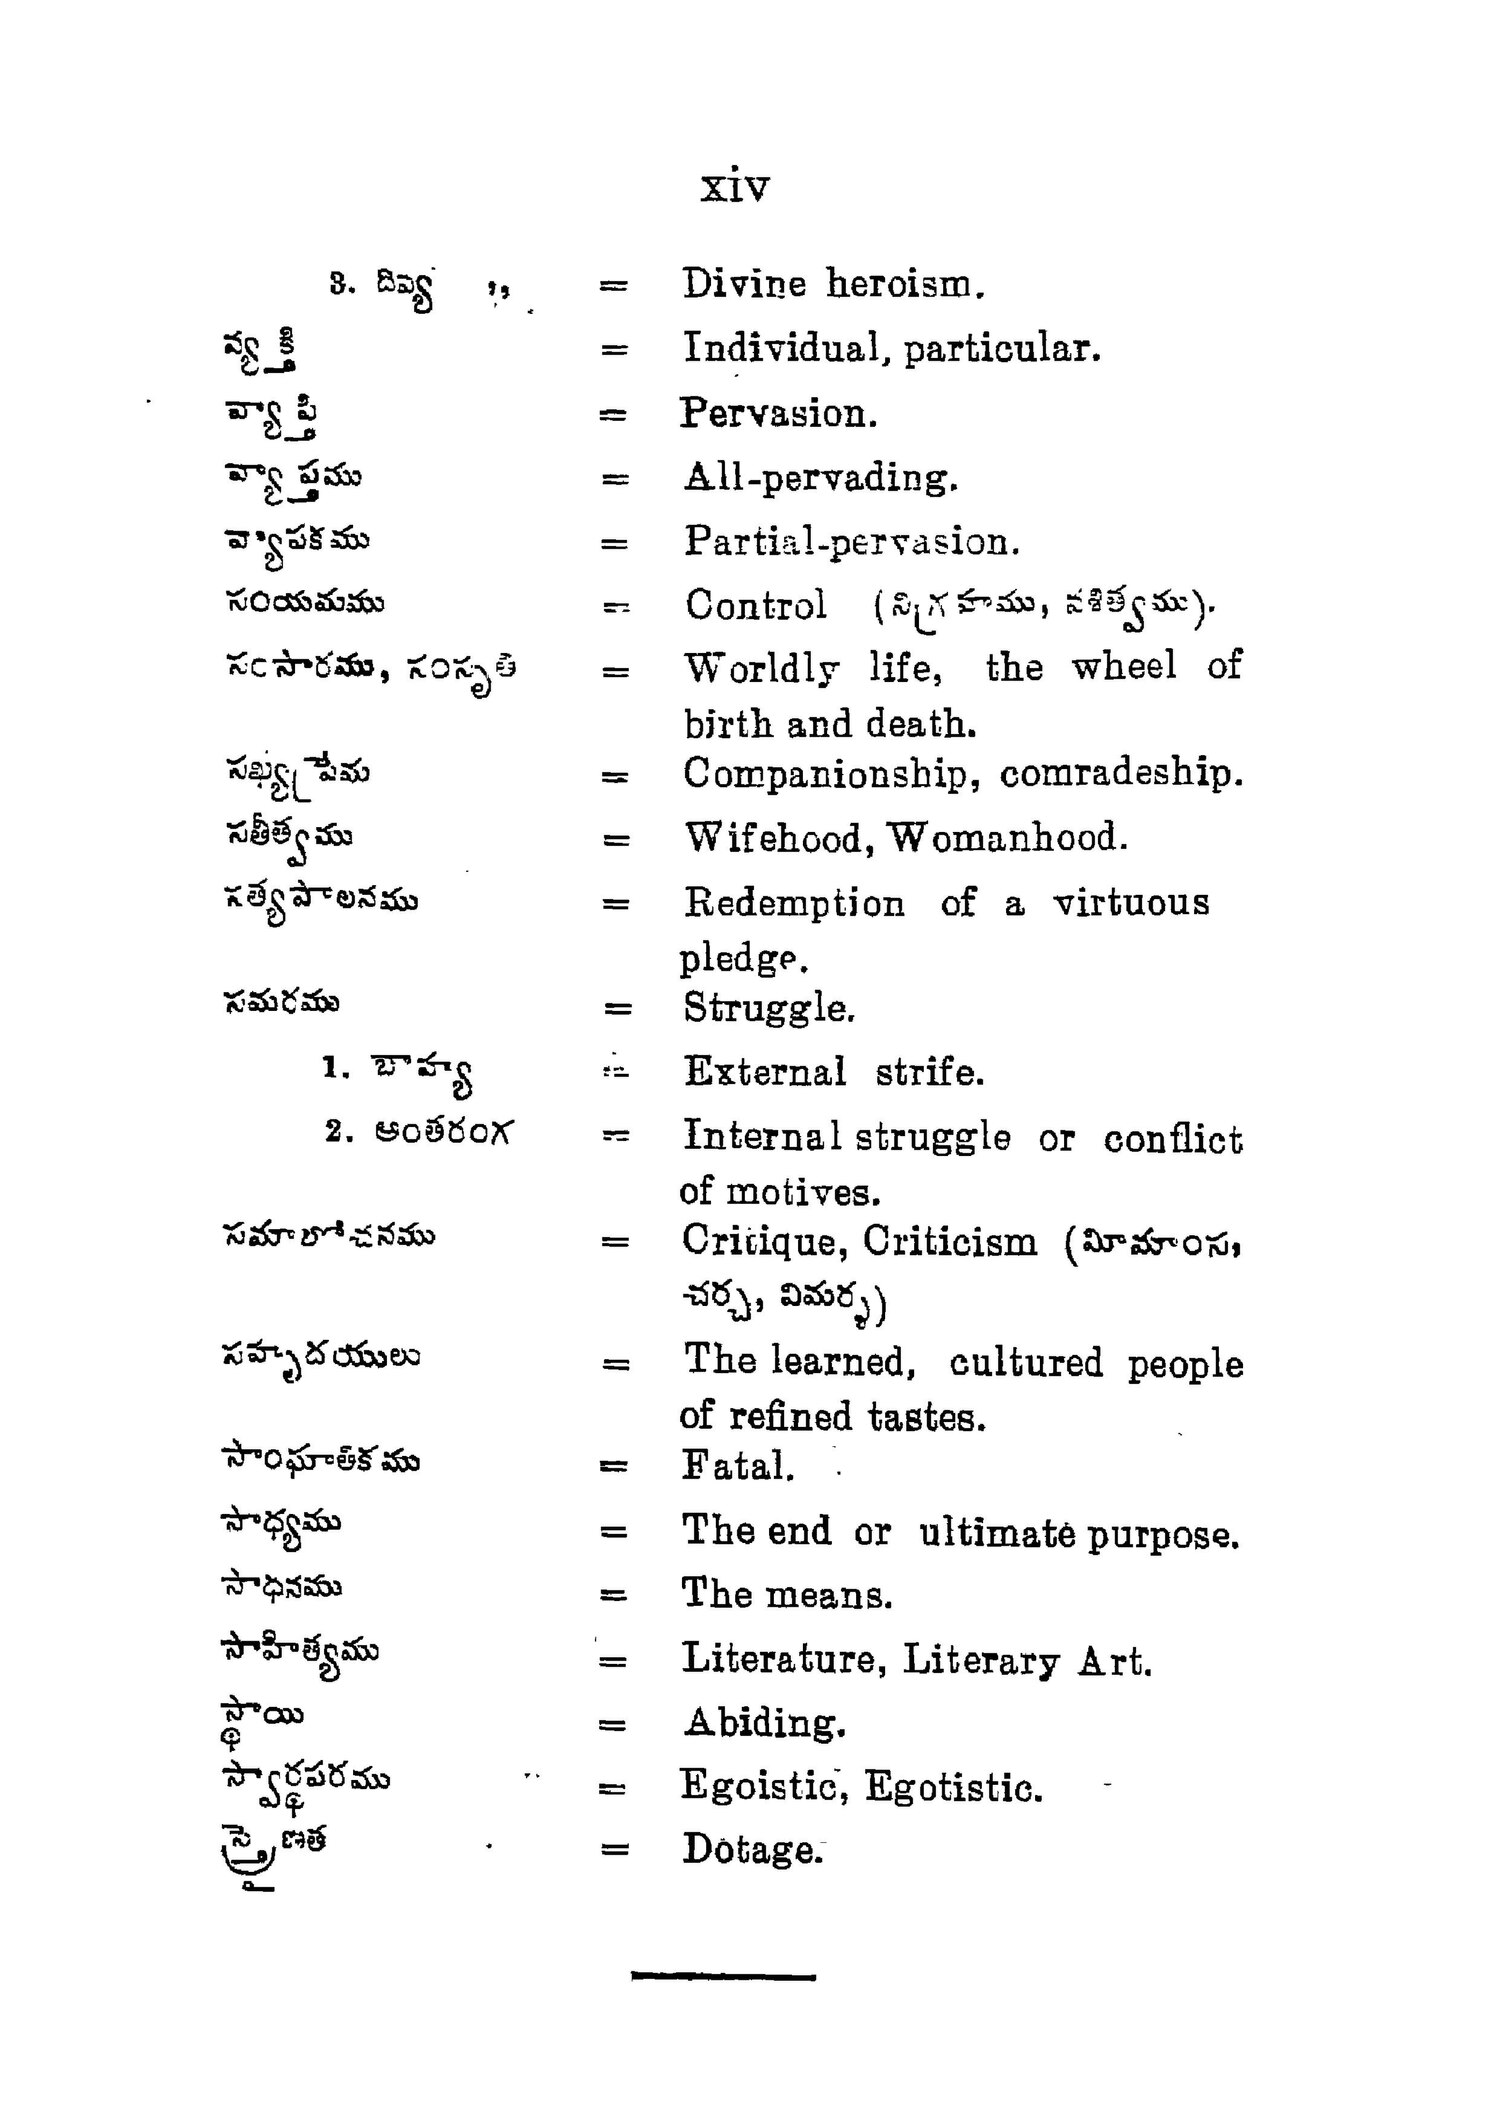3. దివ్య వీర్యము Divine heroism. వ్యక్తి Individual, particular. వ్యాప్తి pervasion వ్యాప్తము All-pervading వ్యాపకము Partial-pervasion. సంయమము Control (నిగ్రహము, వశిత్వము) సంసారము, సంసృతి Worldly life, the wheel of birth and death. సఖ్యప్రేమ Companionship, Comradeship సతీత్వము Wifehood, Womanhood. సత్యపాలనము Redemption of a virtuous pledge. సమరము Struggle. 1. బాహ్య External strife 2. అంతరంగ Internal struggle or comflict of motives. సమాలోచనము Cricique, Criticism (మీమాంస, చర్చ, విమర్శ) సహృదయులు The learned, cultured people of refined tastes. సాంఘాతికము Fatal. సాధ్యము The end or ultimate purpose. సాధనము The means. సాహిత్యము Literature, Literary Art. స్థాయి A biding స్వార్థపరము Egoistic. Egotistic స్త్రైణత Dotage